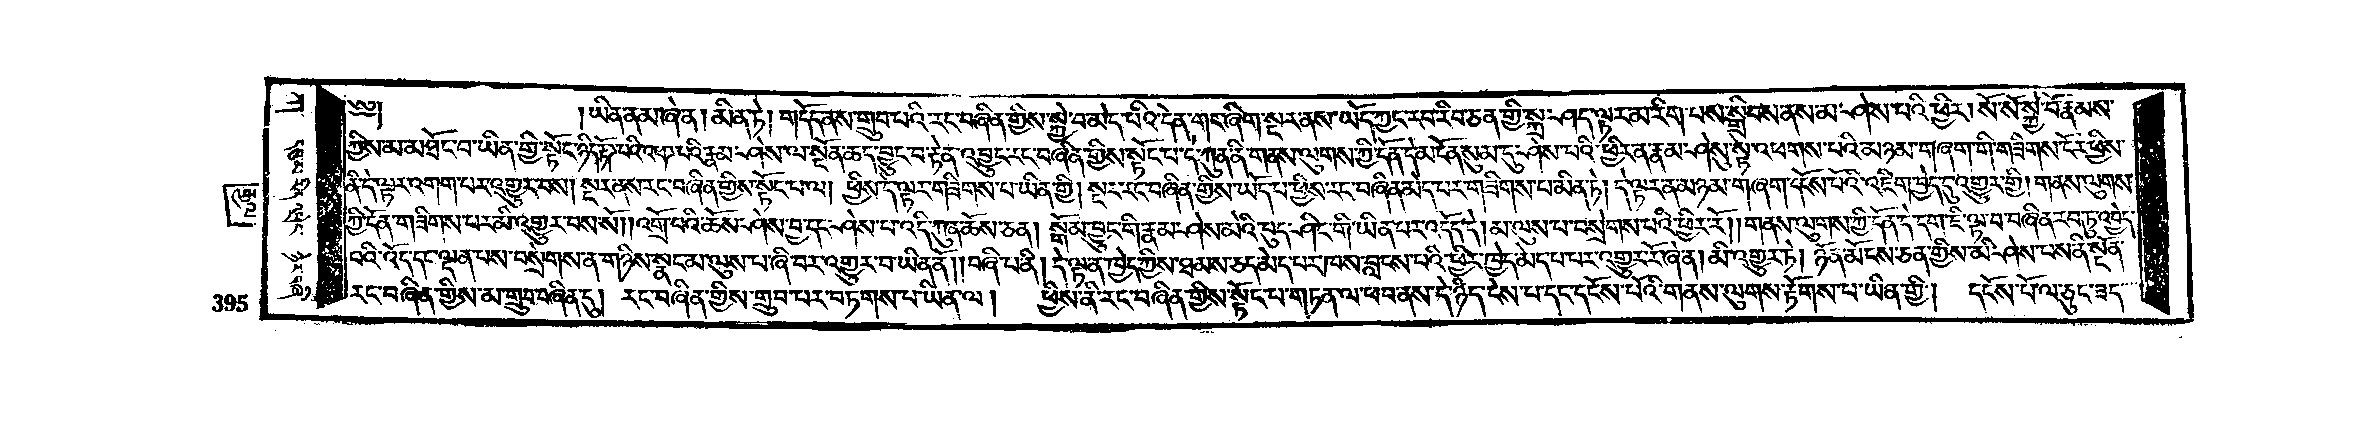༄༅། །ཡིན་ནམ་ཞེ་ན། མིན་ཏེ། གདོད་ནས་གྲུབ་པའི་རང་བཞིན་གྱིས་སྐྱེ་བ་མེད་པའི་དོན་གང་ཞིག་སྔར་ནས་ཡོད་ཀྱང་རབ་རིབ་ཅན་གྱི་སྐྲ་ཤད་ལྟར་མ་རིག་པས་སྒྲིབས་ནས་མ་ཤེས་པའི་ཕྱིར། སོ་སོ་སྐྱེ་བོ་རྣམས་
ཀྱིས་མ་མཐོང་བ་ཡིན་གྱི་སྟོང་ཉིད་རྟོགས་པའི་འཕགས་པའི་རྣམ་ཤེས་ལ་སྔོན་ཆད་བྱུང་བ་རྟེན་འབྱུང་རང་བཞིན་གྱིས་སྟོང་པ་དེ་ཀུན་ནི་གནས་ལུགས་ཀྱི་དོན་དེ་མངོན་སུམ་དུ་ཤེས་པའི་ཕྱིར་ན་རྣམ་ཤེས་སུ་སྟེ་འཕགས་པའི་མཉམ་གཞག་གི་གཟིགས་ངོར་ཕྱིས་
ནི་དེ་ལྟར་འགག་པར་འགྱུར་བས། སྔར་ནས་རང་བཞིན་གྱིས་སྟོང་པ་ལ། ཕྱིས་དེ་ལྟར་གཟིགས་པ་ཡིན་གྱི། སྔར་རང་བཞིན་གྱིས་ཡོད་པ་ཕྱིས་རང་བཞིན་མེད་པར་གཟིགས་པ་མིན་ཏེ། དེ་ལྟར་ན་མཉམ་གཞག་དངོས་པོའི་འཇིག་བྱེད་དུ་འགྱུར་གྱི། གནས་ལུགས་
ཀྱི་དོན་གཟིགས་པར་མི་འགྱུར་བས་སོ། །འགྲོ་བའི་ཆོས་ཤེས་བྱ་དང་ཤེས་པ་འདི་ཀུན་ཆོས་ཅན། སྒོམ་བྱུང་གི་རྣམ་ཤེས་མེའི་བུད་ཤིང་གི་ཡིན་པར་འདོད་དེ། མ་ལུས་པ་བསྲེགས་པའི་ཕྱིར་རོ། །གནས་ལུགས་ཀྱི་དོན་དེ་དག་ཇི་ལྟ་བ་བཞིན་རབ་ཏུ་འབྱེད་
པའི་འོད་དང་ལྡན་པས་བསྲེགས་ན་གཉིས་སྣང་མ་ལུས་པ་ཞི་བར་འགྱུར་བ་ཡིན་ནོ། །བཞི་པ་ནི། དེ་ལྟ་ན་ཁྱེད་ཀྱིས་ཐམས་ཅད་མེད་པར་ཁས་བླངས་པའི་ཕྱིར་ཁྱེད་མེད་པ་པར་འགྱུར་རོ་ཞེ་ན། མི་འགྱུར་ཏེ། ཉོན་མོངས་ཅན་གྱིས་མི་ཤེས་པས་ནི་སྔོན་
རང་བཞིན་གྱིས་མ་གྲུབ་བཞིན་དུ། རང་བཞིན་གྱིས་གྲུབ་པར་བཏགས་པ་ཡིན་ལ། ཕྱིས་ནི་རང་བཞིན་གྱིས་སྟོང་པ་གཏན་ལ་ཕབ་ནས་དེ་ཉིད་ངེས་པ་དང་དངོས་པོའི་གནས་ལུགས་རྟོགས་པ་ཡིན་གྱི། དངོས་པོ་ལ་ཅུང་ཟད་